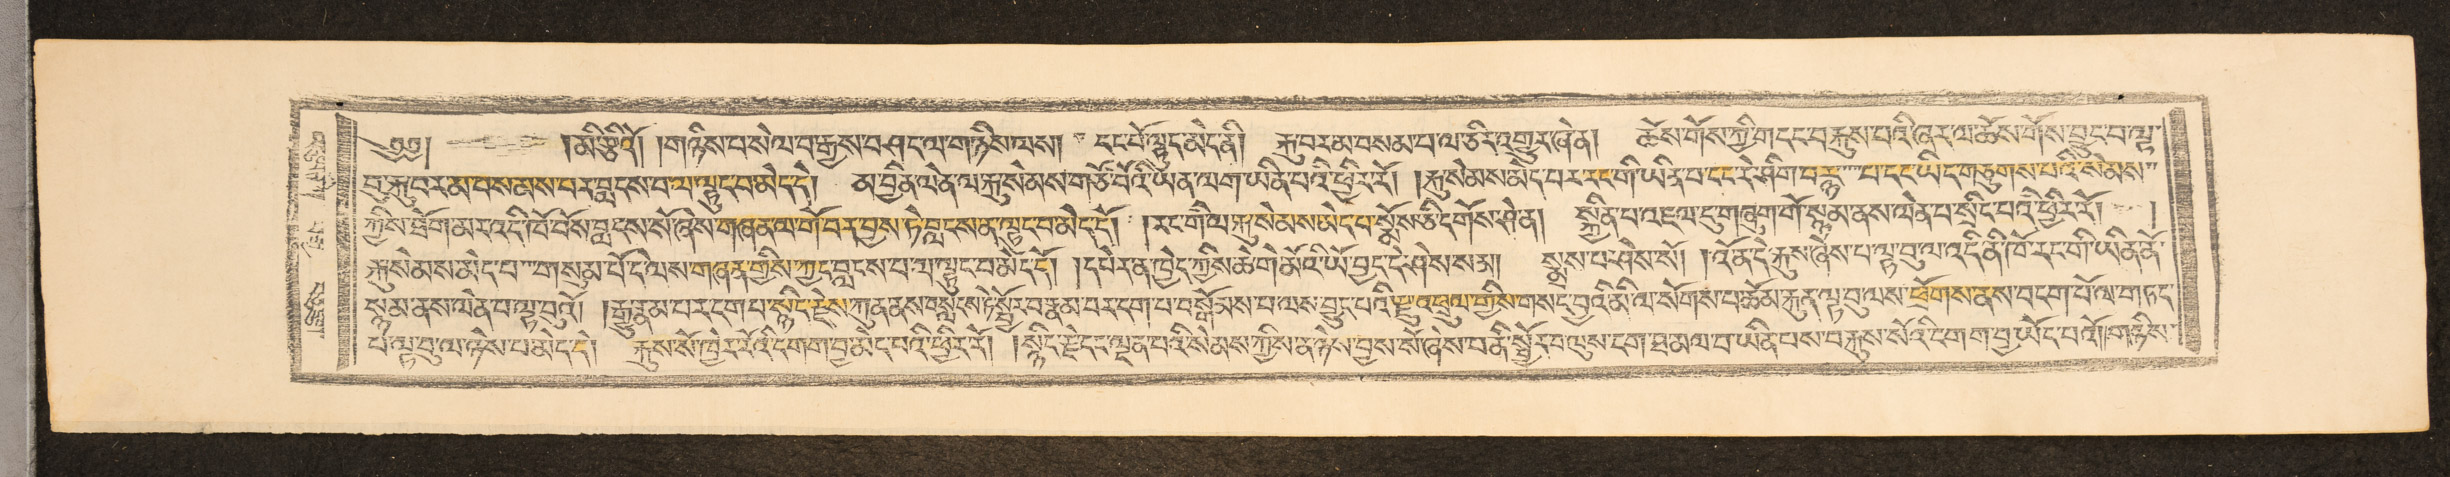༄༅། །མི་རྩིའོ། །གཉིས་པ་སེལ་བ་རྒྱས་བཤད་ལ་གཉིས་ལས། དང་པོ་ལྟུང་མེད་ནི། རྐུ་བར་མ་བསམ་པ་ལ་ཅིར་འགྱུར་ཞེ་ན། ཆོས་གོས་ཀྱི་གདང་བརྐུས་པའི་ཞར་ལ་ཆོས་གོས་བྱང་བ་ལྟ་
བུ་རྐུ་བར་མ་བསམས་པར་བླངས་པ་ལ་ལྟུང་བ་མེད་དེ། མ་བྱིན་ལེན་ལ་རྐུ་སེམས་གཙོ་བོའི་ཡན་ལག་ཡིན་པའི་ཕྱིར་རོ། །རྐུ་སེམས་མེད་པར་རང་གི་ཡིན་པ་དང་རེ་ཤིག་བརྙ་པ་དང་ཡིད་གཅུགས་པའི་སེམས་
ཀྱིས་ཐོག་མར་འདི་ཁོ་བོས་བླངས་སོ་ཞེས་གཞན་ལ་གོ་བར་བྱས་ཏེ་བླངས་ན་ལྟུང་བ་མེད་དོ། །རང་གི་ལ་རྐུ་སེམས་མེད་པ་སྨོས་ཅི་དགོས་ཤེ་ན། སྐྱིན་པ་འཇལ་དུ་གཞུག་གོ་སྙམ་ནས་ལེན་པ་སྲིད་པའི་ཕྱིར་རོ། །
རྐུ་སེམས་མེད་པ་གསུམ་པོ་དེ་ལས་གཞན་གྱིས་ཀྱང་བླངས་པ་ལ་ལྟུང་བ་མེད་དོ། །དཔེར་ན་ཁྱེད་ཀྱིས་ཆེ་གེ་མོའི་ཡོ་བྱད་དེ་ཤེས་སམ། སྨྲས་པ་ཤེས་སོ། །འོ་ན་དེ་རྐུས་ཞེས་པ་ལྟ་བུ་ལ་འདི་ནི་ཁོ་རང་གི་ཡིན་ནོ་
སྙམ་ནས་ལེན་པ་ལྟ་བུའོ། །རྒྱུ་རྣམ་པར་དག་པ་སྙིང་རྗེས་ཀུན་ནས་བསླངས་ཏེ་སྦྱོར་བ་རྣམ་པར་དག་པ་བསྒོམས་པ་ལས་བྱུང་པའི་རྫུ་འཕྲུལ་གྱིས་གསང་བྱའི་མི་ལ་སོགས་པ་ཆོམ་རྐུན་ལྟ་བུ་ལས་ཕྲོགས་ནས་བདག་པོ་ལ་གཏད་
པ་ལྟ་བུ་ལ་ཉེས་པ་མེད་དེ། རྐུས་སོ་ཁྱེར་རོའི་དགག་བྱ་མེད་པའི་ཕྱིར་རོ། །སྙིང་རྗེ་དང་ལྡན་པའི་སེམས་ཀྱིས་ན་ཉེས་བྱས་སོ་ཞེས་པ་ནི་སྦྱོར་བ་ལུས་དག་ཐ་མལ་བ་ཡིན་པས་བརྐུས་སོའི་དགག་བྱ་ཡོད་པའོ། །གཉིས་